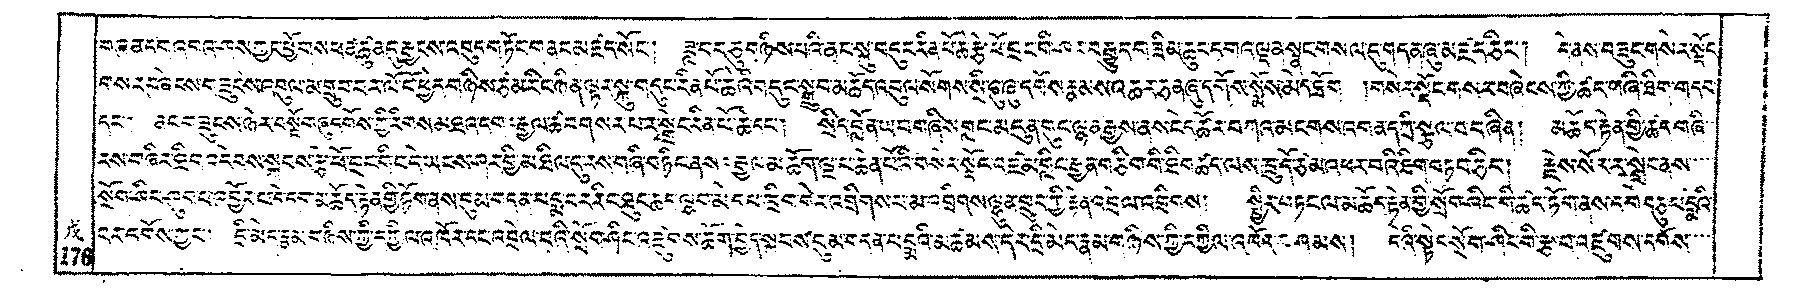གཞན་དག་འགའ་ཤས་ཀྱང་ཕྱོགས་ཕན་ཚུན་དུ་རྒྱངས་འབུད་གཏོང་གནང་མཛད་སོང་། ཟླ་བ་བཅུ་གཉིས་པའི་ནང་སྐུ་གདུང་རིན་པོ་ཆེ་རྩེ་ཕོ་བྲང་གི་ཤར་བརྒྱུད་གཟིམ་ཆུང་དགའ་ལྡན་སྣང་གསལ་དུ་གདན་ཞུ་མཛད་ཅིང་། དེ་ནས་བཟུང་གསེར་སྡོང་
གསར་བཞེངས་གཟུངས་འབུལ་མ་གྲུབ་བར་ལོ་ངོ་ཕྱེད་གཉིས་ཙམ་རིང་ཉིན་ལྟར་སྐུ་གདུང་རིན་པོ་ཆེའི་གདུང་སྒྲུབ་མཆོད་འབུལ་སོགས་སྲི་ཞུ་ཞུ་དགོས་རྣམས་འཆར་ཅན་ཞུ་དགོས་སྨོས་མེད་ཐོག །གསེར་སྡོང་གསར་བཞེངས་ཀྱི་ཚད་གཞི་ཐིག་གདབ་
དང་། ནང་གཟུངས་ཉེར་བསྡོག་ཞུ་དགོས་ཀྱི་རིགས་མཐའ་དག་༧རྒྱལ་ཚབ་གསར་པ་རྭ་སྒྲེང་རིན་པོ་ཆེ་དང་། སྲིད་བློན་ཡབ་གཞིས་གླང་མདུན་གུང་ལྷན་རྒྱས་ནས་ངེད་ཚོར་བཀའ་མངགས་འགན་དཀྲི་སྩལ་བ་བཞིན། མཆོད་རྟེན་གྱི་ཚད་གཞི་
རས་གཞིར་ཐིག་འདེབས་སྐབས་རྩེ་ཕོ་བྲང་གི་བདེ་ཡངས་ཤར་གྱི་མཐིལ་དུ་རས་གཞི་བཏིང་ནས་༧རྒྱལ་མཆོག་ལྔ་པ་ཆེན་པོའི་གསེར་སྡོང་འཛམ་གླིང་རྒྱན་གཅིག་གི་ཐིག་ཚད་ལས་ཁྲུ་དོ་ཙམ་འཕར་བའི་ཐིག་བཏབ་ཅིང་། རྗེས་སོར་རྭ་སྒྲེང་ནས་
སྲོག་ཤིང་ཤུག་པ་འབྱོར་བ་དེ་དག་མཆོད་རྟེན་གྱི་ཏོག་ནས་བུམ་གདན་པདམ་བར་རིང་ཐུང་ཆད་ལྷག་མེད་པ་ཁྲིག་གེར་འབྲིགས་པ་མ་འགྲིགས་ལྷུན་གྲུབ་ཀྱི་རྟེན་འབྲེལ་འགྲིགས། སྤྱིར་བཏང་ལ་མཆོད་རྟེན་གྱི་སྲོག་ཤིང་གི་ཚད་ཏོག་ནས་དགེ་བཅུ་པདམའི་
བར་དགོས་ཀྱང་། དྲི་མེད་རྣམ་གཉིས་ཀྱི་དཀྱིལ་འཁོར་དང་འབྲེལ་བའི་སྲོག་ཤིང་འཛུགས་ཆོག་བྱེད་སྐབས་བུམ་གདན་པདམའི་མཚམས་དེར་དྲི་མེད་རྣམ་གཉིས་ཀྱི་དཀྱིལ་འཁོར་བཤམས། དེའི་སྟེང་སྲོག་ཤིང་གི་རྩ་བ་འཛུགས་དགོས་